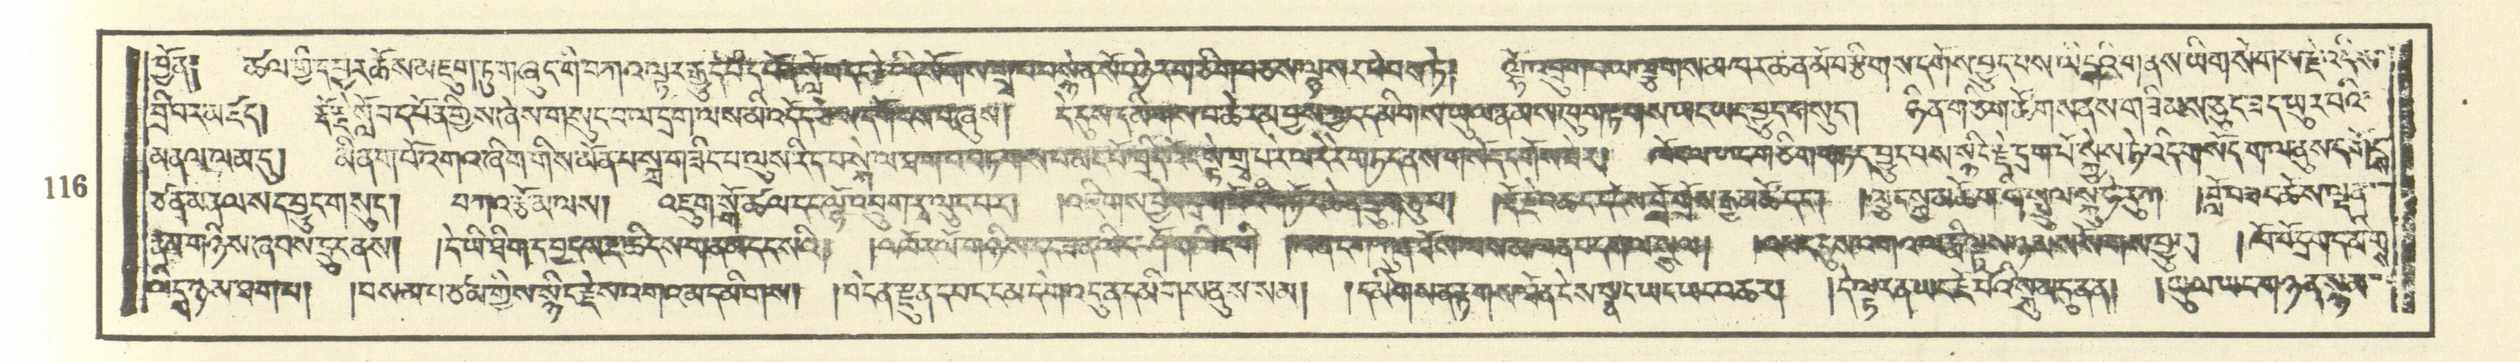བྱོན༑ ཚལ་གྱི་དབྱར་ཆོས་མཇུག་ཏུ་གཞུང་གི་བཀའ་ལྟར་རྒྱུད་པ་དཔོན་སློབ་དང་རྗེ་འདི་སོགས་གྲྭ་པ་བསྙེན་སོང་ཉེར་གཅིག་བཅས་ལྷ་སར་ཕེབས་ཏེ། ལྷོ་འབྲུག་པ་ལ་ལྕགས་མཁར་ཆེན་མོ་བརྩིགས་དགོས་བྱུང་བས་ལིངྒའི་གནས་ཡིག་སོགས་རྗེ་འདིས་
བྲེ་བར་མཛད། རྡོ་རྗེ་སློབ་དཔོན་གྱིས་ཞེས་གསུང་བ་ལ་དྲག་ལས་མི་འདོད་ཅེས་དགོངས་པ་ཞུས། དེ་དུས་དམིགས་པ་ཆེར་མ་བྱས་ཀྱང་དམིགས་ཡུལ་རྣམས་ལུག་རྟགས་ཡང་ཡང་བྱུང་གསུང་། ཉིན་གཅིག་ཚོགས་ནས་གཟིམས་ཆུང་ཟད་ཡུར་བའི་
མནལ་ལམ་དུ། མི་ནག་པོ་འགའ་ཞིག་གིས་ཡོན་པ་སྒྲ་གཟིང་པ་ལུས་རིད་པ་སྒེ་ལ་ཐག་པ་བཏགས་པ་མང་པོ་ཁྲིད་འོང་སྟེ་གྲྭ་པ་རེ་ལ་རེ་རེ་གཏད་ནས་གསོད་དགོས་ཟེར། ཁོང་ལ་ཡང་གཅིག་གཏད་བྱུང་བས་སྙིང་རྗེ་དྲག་པོ་སྐྱེས་ཏེ་འདི་གསོད་ག་ལ་ནུས་དགོངས་
ཙན་མན་ལས་དབྱུང་གསུང་། བཀའ་རྩོམ་ལས། འཇུག་སྒོ་ཚལ་དང་ལྷོ་འབྲུག་རྭ་ལུང་པར། །འཇིགས་བྱེད་དྲག་པོའི་གཏོར་ཆེན་དྲུག་ཅུ་པ། །རྡོ་རྗེ་འཆང་དངོས་བློ་གྲོས་རྒྱ་མཚོ་དང་། །ལྕང་སྐྱ་མཆོག་གི་སྤྲུལ་སྐུ་ཧེ་རུ་ཀ །བློ་བཟང་ཆོས་ལྡན་
རྣམ་གཉིས་ཞབས་དྲུང་ནས། །དེ་ཡི་ཐིག་དབྱངས་རྡ་ཆིངས་གནམ་དང་སའི། །འཁོར་ལོ་གཉིས་དང་ཟན་ལིང་ཤོག་ཡིད་གི །མན་ངག་ཀུན་ཐོས་ལས་མཁན་བདག་ལ་སྩལ། །འཕང་དུས་འགའ་ལ་རྨི་ལྟར་ཉམས་སོགས་བྱུང་། །ཁོ་བོ་དྲག་དམིགས་
ཀྱི་སྐབས་མ་ཐག་པ། །བསམ་པ་ཙམ་གྱིས་སྙིང་རྗེས་འགའ་མ་དམིགས། །བདེན་རྫུན་དབང་དམ་དགེ་འདུན་དམིགས་ནུས་སམ། །དམིགས་ན་རྙགས་ཐོན་ངེས་སྣང་ཡང་ཡང་འཆར། །དེ་ལྟར་ན་ཡང་ཇོ་བོའི་སྐུ་མདུན་ན། །ཡུལ་ཡང་གཉན་སྙམ་